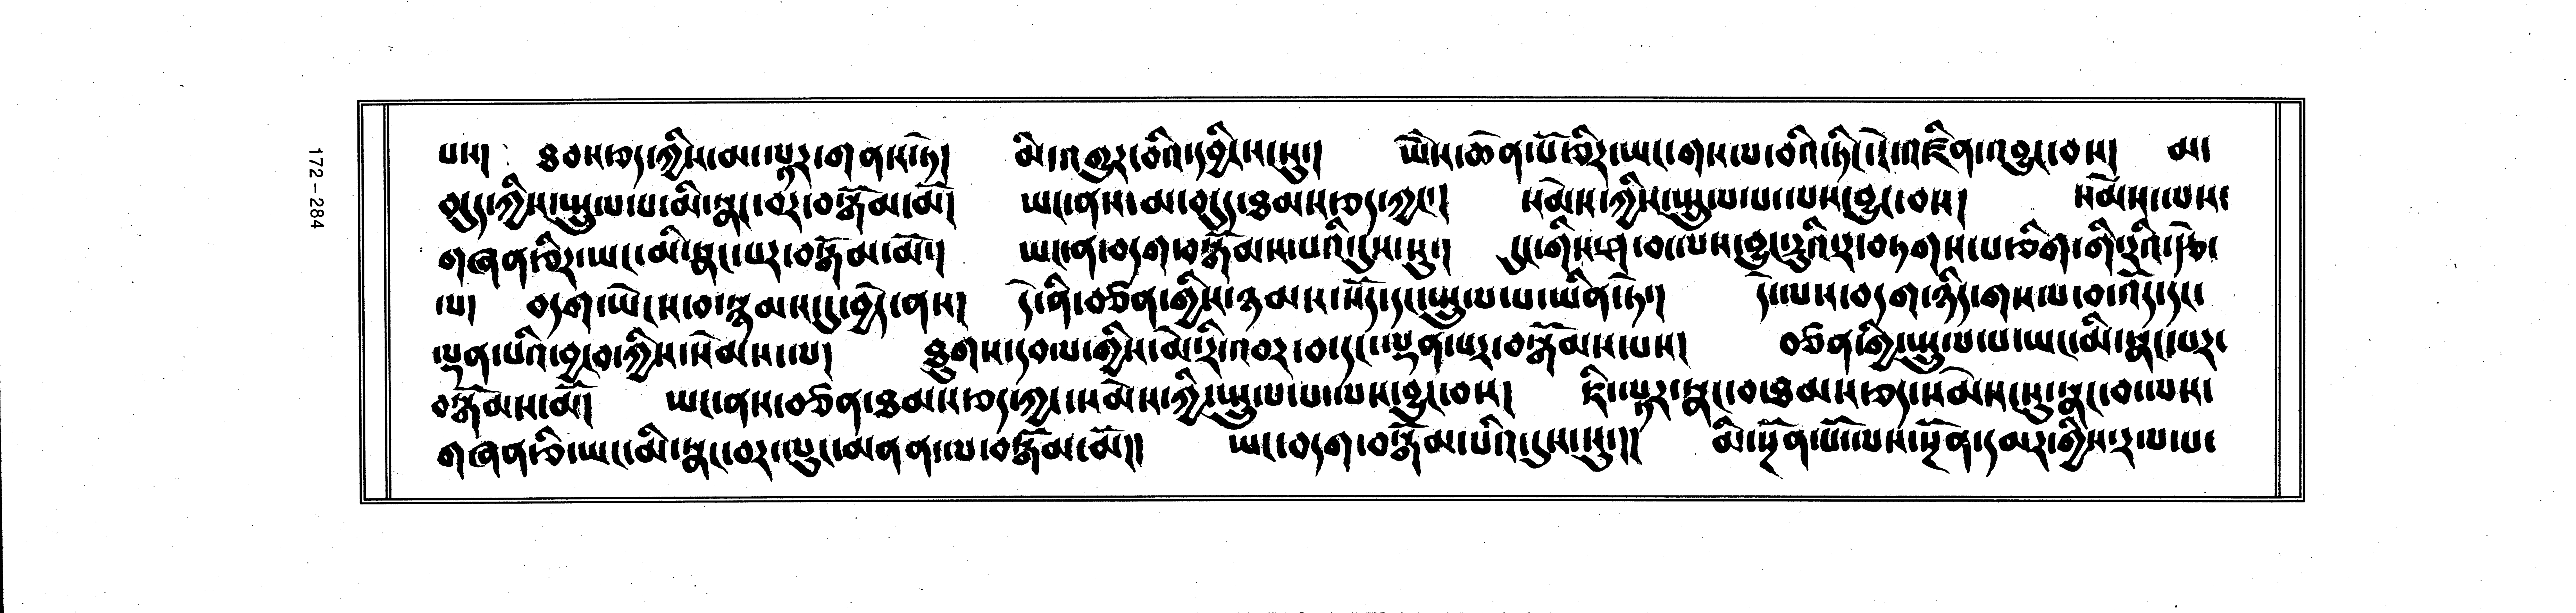པས། ཐམས་ཅད་ཀྱིས་མ་ལྟར་གནས་ཏེ། མི་འགྱུར་བའི་དབྱིངས་སུ། ཡེ་ཤེས་ཆེན་པོ་ཅིར་ཡང་གསལ་བའི་ཏིང་ངེ་འཛིན་འབྱུང་བས། མ་
བདུད་ཀྱིས་སྤྲུལ་པ་མི་སྣང་བར་བསྒོམ་མོ། ཡང་ནས་མ་བདུད་ཐམས་ཅད་ཀྱང་། སེམས་ཀྱིས་སྤྲུལ་པ་ལས་བྱུང་བས། སེམས་ལས་
གཞན་ཅིར་ཡང་མི་སྣང་པར་བསྒོམ་མོ། ཡང་ནས་བདག་བསྒོམས་པའི་དུས་སུ། དུང་གིས་ཤ་བ་ལས་བྱུང་རུའི་ར་བཏགས་པ་ཅིག་གི་རའི་རྩེ་
ལ། བདག་གཡེངས་བ་སྙམས་དུ་བྱེད་ནས། དེ་ནི་བཙན་གྱིས་ཉམས་སོད་དང་སྤྲུལ་པ་ཡིན་ཏེ། དེ་ལས་བདག་ཉིད་གསལ་བ་འོད་དང་
ལྡན་པའི་བྱང་ཆུབ་ཀྱིས་སེམས་ལ། ཐུགས་དབལ་གྱིས་མེ་རི་འབར་བ་དང་ལྡན་པར་བསྒོམས་པས། བཙན་གྱི་སྤྲུལ་པ་ཡང་མི་སྣང་པར་
བསྒོམས་མོ། ཡང་ནས་བཙན་ཐམས་ཅད་ཀྱང་སེམས་ཀྱི་སྤྲུལ་པ་ལས་བྱུང་བས། ཇི་ལྟར་སྣང་བ་ཐམས་ཅད་སེམས་སུ་སྣང་བ་ལས། 
གཞན་ཅི་ཡང་མི་སྣང་བར་ལུང་མནན་ལ་བསྒོམ་མོ། ཡང་བདག་བསྒོམ་པའི་དུས་སུ། མི་སྔོན་པོ་ལས་སྔོན་དམར་གྱིས་རལ་པ་